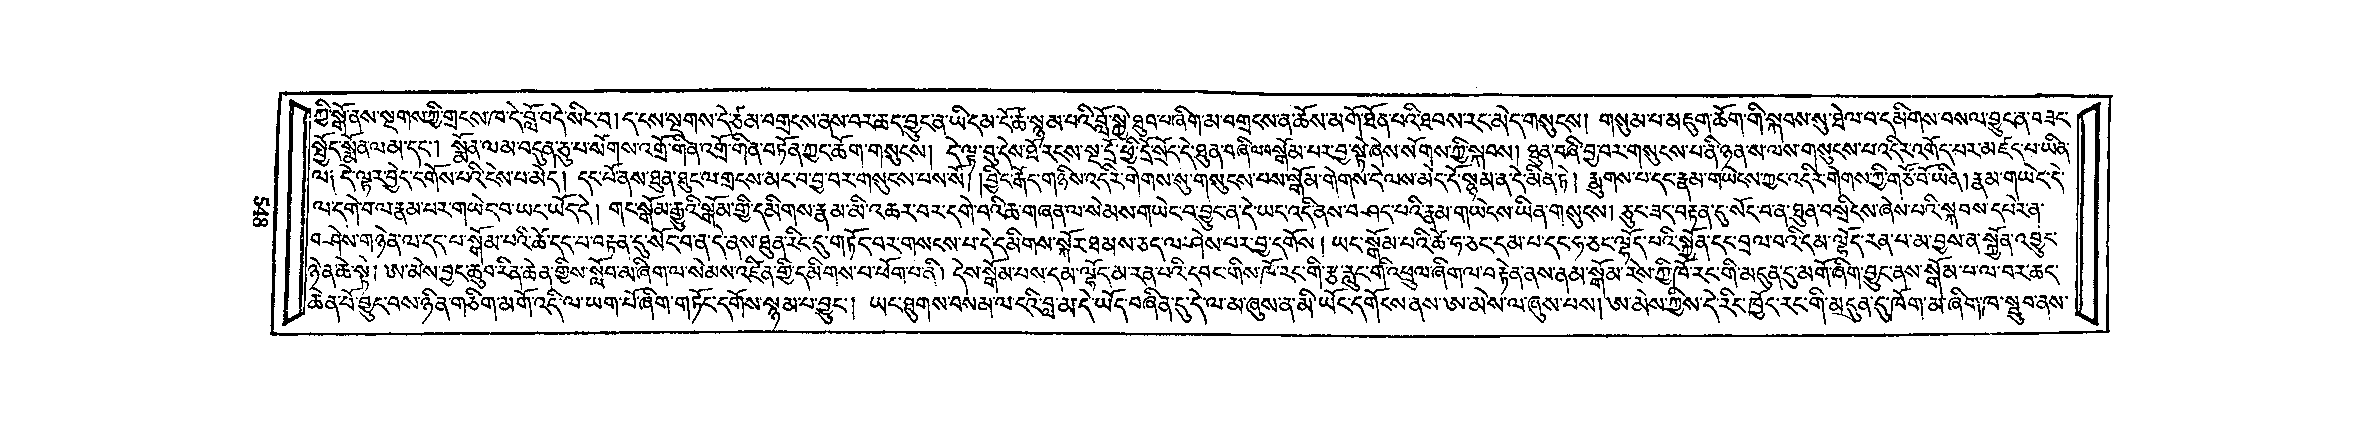ཀྱི་སྒོ་ནས་སྔགས་ཀྱི་གྲངས་ཁ་དེ་བློ་བདེ་སིང་བ། ད་ངས་སྔགས་དེ་ཙམ་བགྲངས་ནས་བར་ཆད་བྱུང་ན་ཡི་དམ་ངོ་ཚ་སྙམ་པའི་བློ་སྐྱེ་ཐུབ་པ་ཞིག་མ་བགྲངས་ན་ཆོས་མགོ་ཐོན་པའི་ཐབས་རང་མེད་གསུངས། གསུམ་པ་མཇུག་ཆོག་གི་སྐབས་སུ་ཐེལ་བ་དམིགས་བསལ་བྱུང་ན་བཟང་
སྤྱོད་སྨོན་ལམ་དང་། སྨོན་ལམ་བདུན་ཅུ་པ་སོགས་འགྲོ་གིན་འགྲོ་གིན་བཏོན་ཀྱང་ཆོག་གསུངས། དེ་ལྟ་བུ་དེས་ཐོ་རངས་སྔ་དྲོ་ཕྱི་དྲོ་སྲོད་དེ་ཐུན་བཞི་ལ་བསྒོམ་པར་བྱ་སྟེ་ཞེས་སོགས་ཀྱི་སྐབས། ཐུན་བཞི་བྱ་བར་གསུངས་པ་ནི་ཉན་ས་ལས་གསུངས་པ་འདིར་འགོད་པར་མཛད་པ་ཡིན་
ལ། དེ་ལྟར་བྱེད་དགོས་པའི་ངེས་པ་མེད། དང་པོ་ནས་ཐུན་ཐུང་ལ་གྲངས་མང་བ་བྱ་བར་གསུངས་པས་སོ། །བྱིད་རྒོད་གཉིས་འདིར་གེགས་སུ་གསུངས་པས་སྒོམ་གེགས་དེ་ལས་མེད་དོ་སྙམ་ན་དེ་མིན་ཏེ། རྨུགས་པ་དང་རྣམ་གཡེངས་ཀྱང་འདིར་གེགས་ཀྱི་གཙོ་བོ་ཡིན། རྣམ་གཡེང་དེ་
ལ་དགེ་བ་ལ་རྣམ་པར་གཡེང་བ་ཡང་ཡོད་དེ། གང་སྒོམ་རྒྱུའི་སྒོམ་གྱི་དམིགས་རྣམ་མི་འཆར་བར་དགེ་བའི་ཆ་གཞན་ལ་སེམས་གཡེང་བ་བྱུང་ན་དེ་ཡང་འདི་ནས་བཤད་པའི་རྣམ་གཡེངས་ཡིན་གསུངས། ཅུང་ཟད་བརྟན་དུ་སོང་བ་ན་ཐུན་བསྲིངས་ཞེས་པའི་སྐབས་དཔེར་ན་
བཤེས་གཉེན་ལ་དད་པ་སྒོམ་པའི་ཚེ་དད་པ་བརྟན་དུ་སོང་བ་ན་དེ་ནས་ཐུན་རིང་དུ་གཏོང་བར་གསངས་པ་དེ་དམིགས་སྐོར་ཐམས་ཅད་ལ་ཤེས་པར་བྱ་དགོས། ཡང་སྒོམ་པའི་ཚེ་ཧ་ཅང་དམ་པ་དང་ཧ་ཅང་ལྷོད་པའི་སྐྱོན་དང་བྲལ་བའི་དམ་ལྷོད་རན་པ་མ་བྱས་ན་སྐྱོན་འབྱུང་
ཉེན་ཆེ་སྟེ། ཨ་མེས་བྱང་ཆུབ་རིན་ཆེན་གྱིས་སློབ་མ་ཞིག་ལ་སེམས་འཛིན་གྱི་དམིགས་པ་ཕོག་པ་ནི། དེས་སྒོམ་པས་དམ་ལྷོད་མ་རན་པའི་དབང་གིས་ཁོ་རང་གི་རྩ་རླུང་གི་འཕྲུལ་ཞིག་ལ་བརྟེན་ནས་ནམ་སྒོམ་རེས་ཀྱི་ཁོ་རང་གི་མདུན་དུ་མགོ་ཞིག་བྱུང་ནས་སྒོམ་པ་ལ་བར་ཆད་
ཆེན་པོ་བྱུང་བས་ཉིན་གཅིག་མགོ་འདི་ལ་ཡག་པོ་ཞིག་གཏོང་དགོས་སྙམ་པ་བྱུང་། ཡང་ཐུགས་བསམ་ལ་ངའི་བླ་མ་དེ་ཡོད་བཞིན་དུ་དེ་ལ་མ་ཞུས་ན་མི་ཡོང་དགོངས་ནས་ཨ་མེས་ལ་ཞུས་པས། ཨ་མེས་ཀྱིས་དེ་རིང་ཁྱོད་རང་གི་མདུན་དུ་ཁོག་མ་ཞིག་ཁ་སྦུབ་ནས་